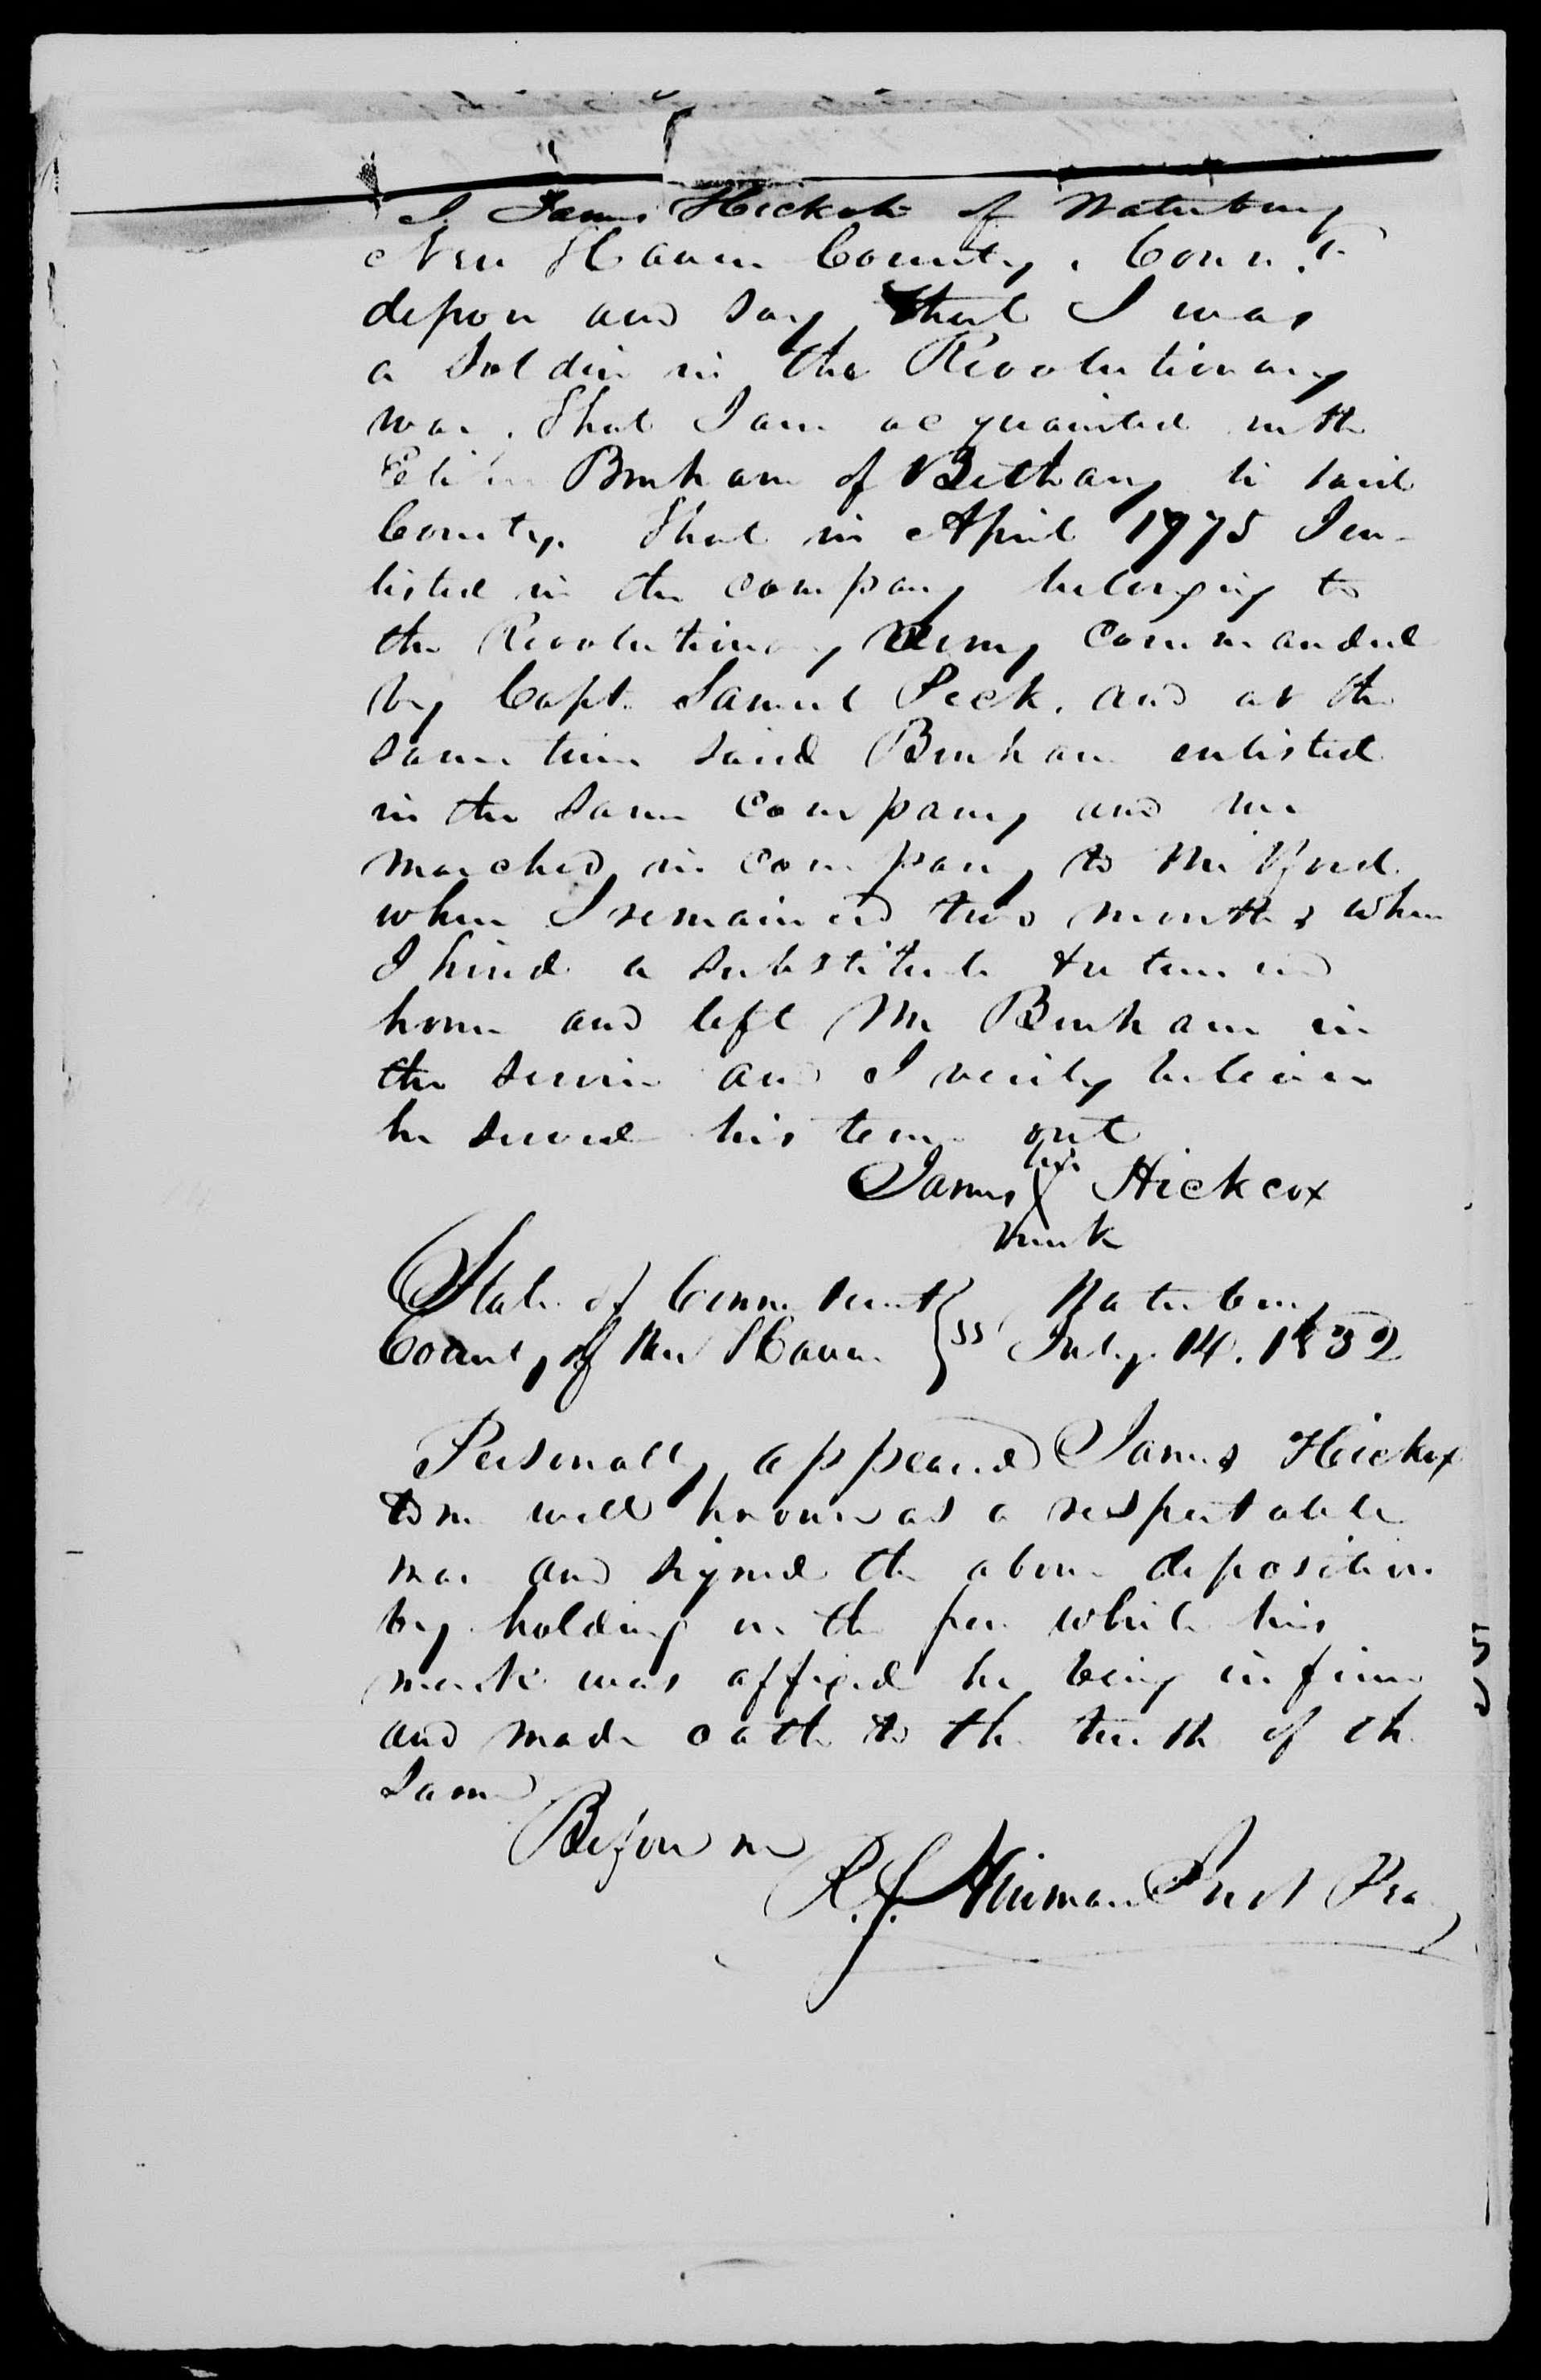I James Hickcox of Waterbury New Haven County, Conn. depose and say that I was a soldier in the Revolutionary war . That I am acquainted with Elihu Benham of Bethany in said County. That in April 1775 I enlisted in the company belonging to the Revolutionary army commanded by Capt. Samul Peck, and at the same time said Benham enlisted in the same company and we marched in company to Milford when I remained two months when I hired a substitute to return home and left M Benman in the service and I verily believe he served his time out.
James [his mark] Hickcox 
State of Connecticut Court of N L Bauer}
SS
Waterbury July 14, 1832 
Personally appeared James Hickcox to me well known as a respectable man and signed the above deposition by holding in the pen which his mark was affixed he being infirm and made oath to the truth of the law
  Before me R.S. Hinman Justice of Peace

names: Benham, Benham, James Hickok, James Hickcox, Elihu Benham, Samul Peck, James Hickox, R S Hinman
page: 9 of 45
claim: survivor's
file: S. 15748, Elihu Benham, Conn.